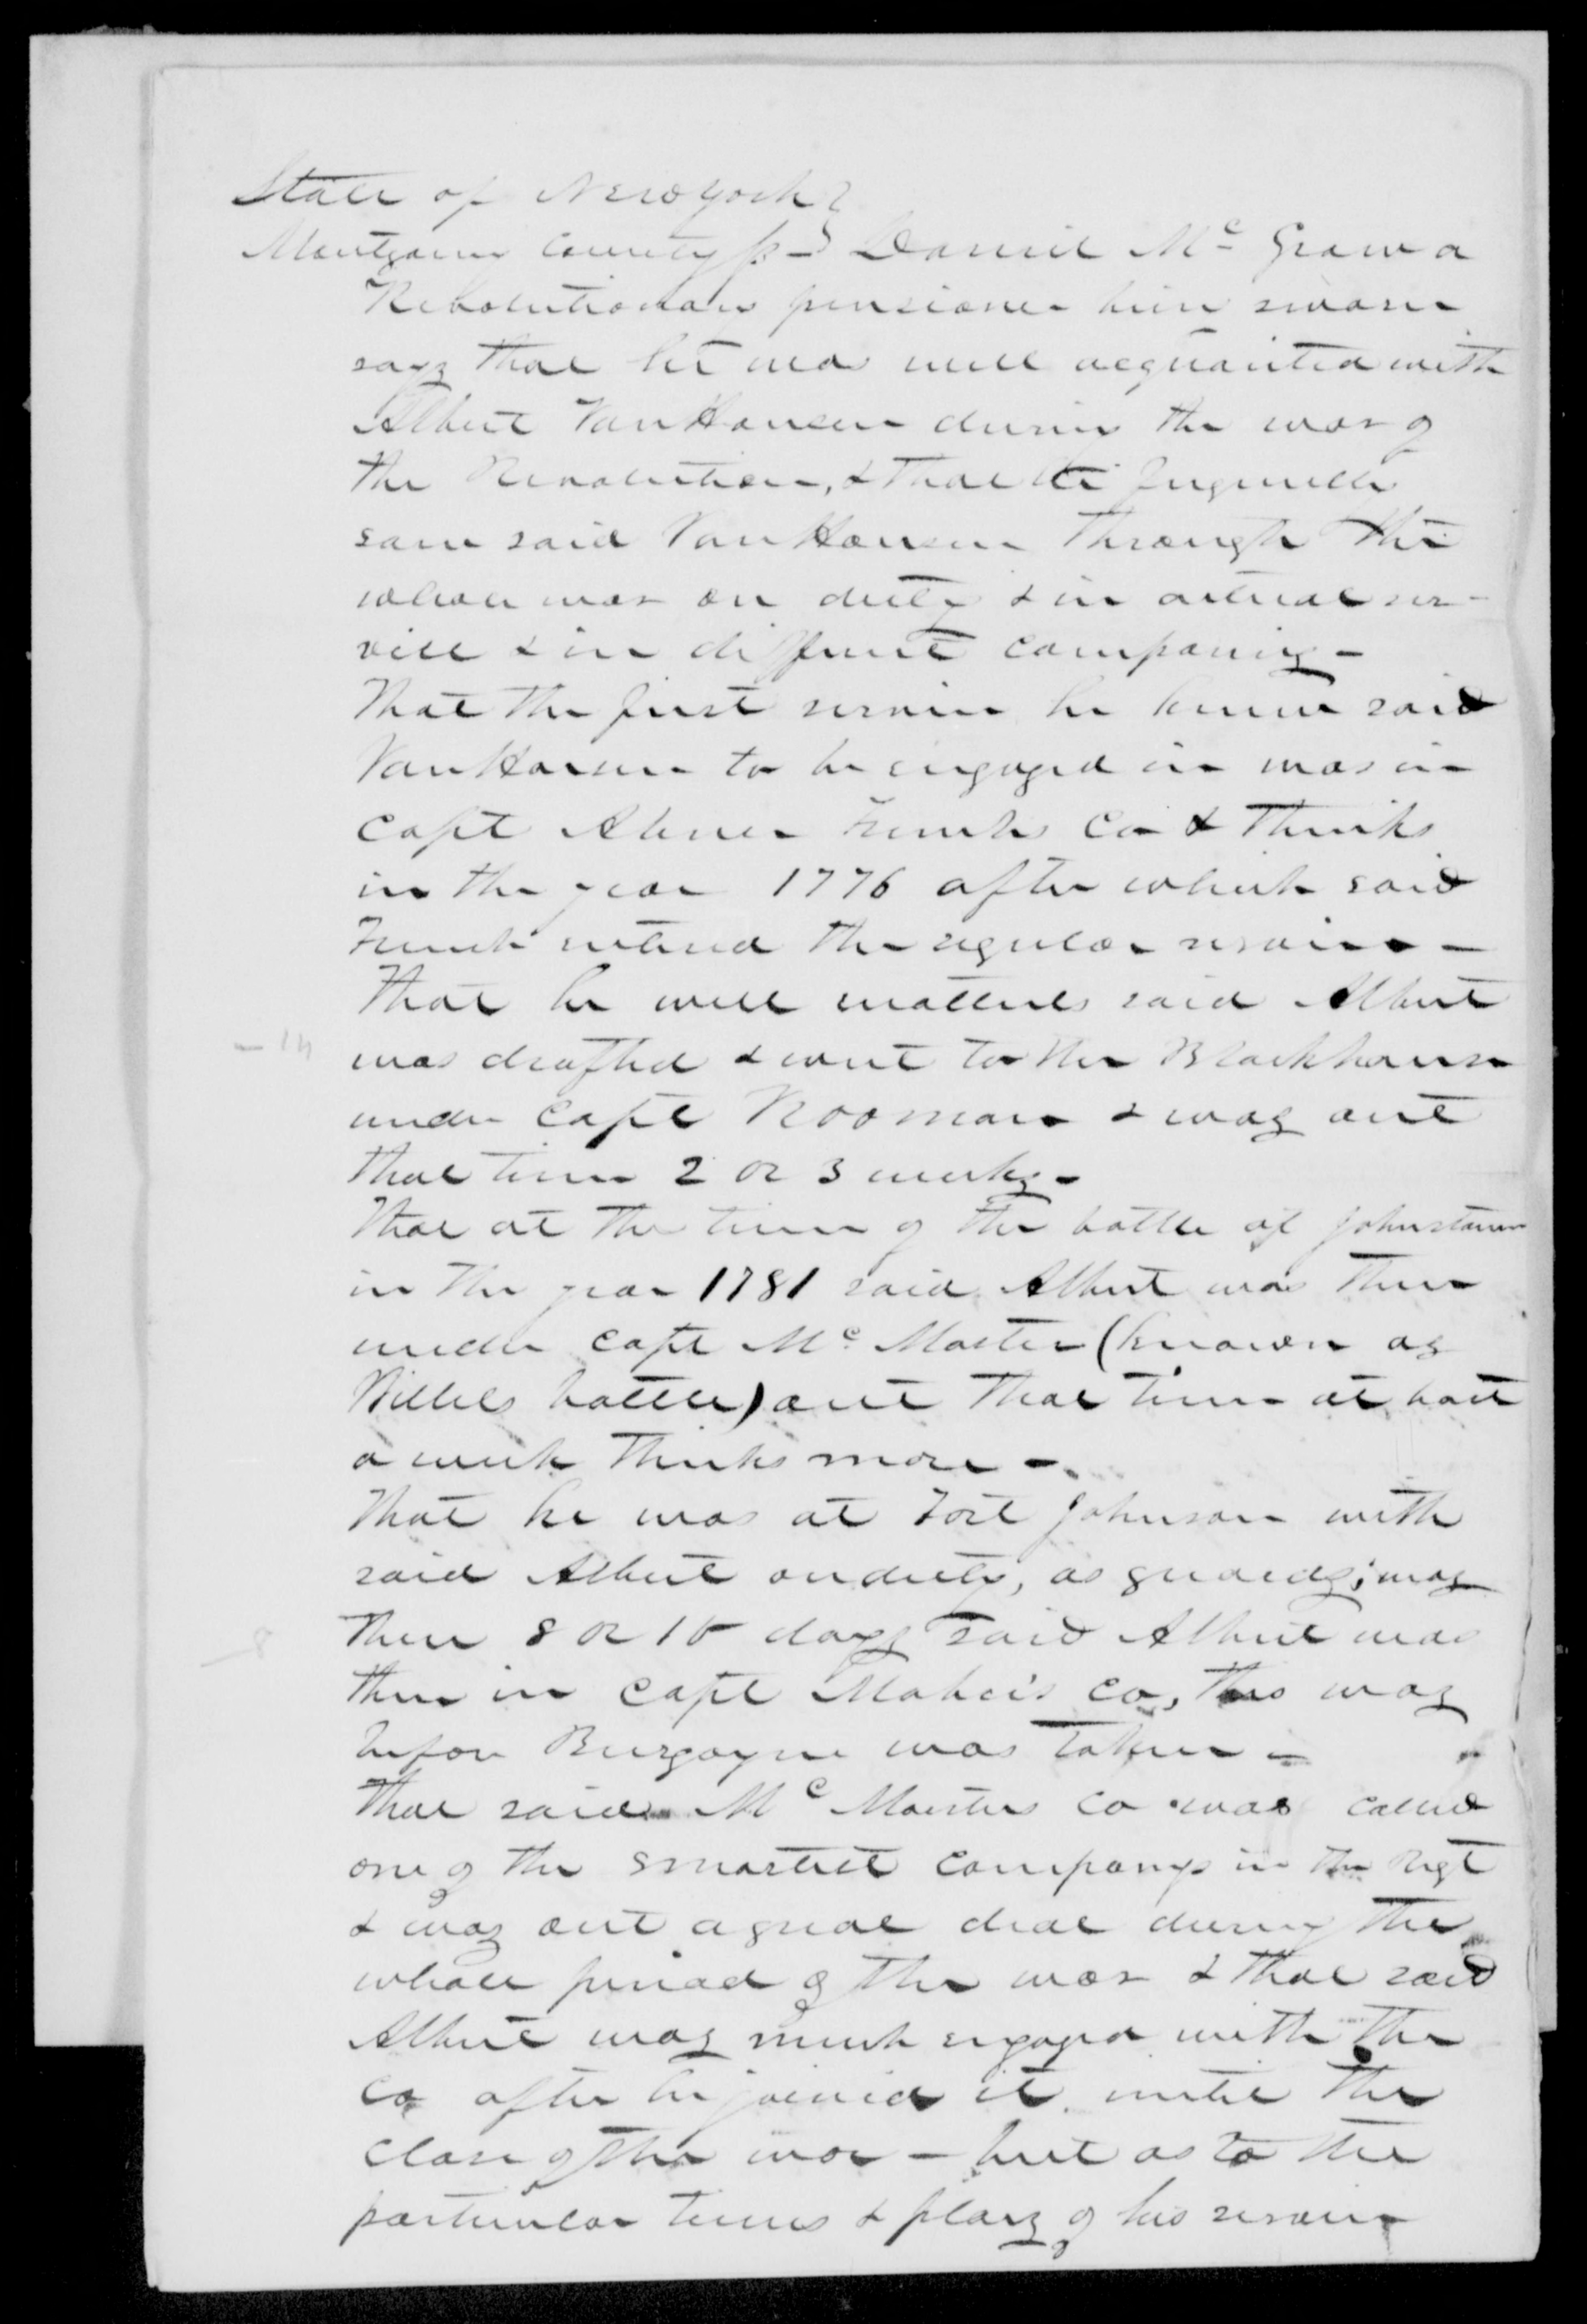State of New York 
Montgomery County ss }  Daniel McGraw a Revolutionary pensioner him sworn says that he was well acquainted with Albert Van Housen during the war of the Revolution, & that a Jugement [?] saw said Van Housen through the whole war on duty & in actual service & in different companies & in the first campaign – 
That the first service he knew said Van Housen to be engaged in was in Capt Abner French Co & thinks in the year 1776 after which said French entered the regular service - That he well recollects said Albert was drafted & went to the Blackhouse under Capt Vrooman & was out that time 2 or 3 weeks –
That at the time of the battle of Johnstown in the year 1781 said Albert was then under capt McMaster (known as Willets battle) and that time at have a week thinks more –
That he was at Fort Johnson with said Albert on duty, as guards, was there 8 or 10 days said Albert was then in capt Maher's Co, this was before Burgoyne was taken –
That said McMaster Co was called one of the smartest Companys in the regt & was out a great deal during the whole period of the war & that said Albert was much engaged with the Co after he joined it, until the close of the war - but as to the particular times & places of his service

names: Albert, Albert, Albert, Van Housen, Albert, Albert Van Housen, Albert, Daniel Mc Graw, Van Housen, Rooman, Mc Master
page: 51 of 57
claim: survivor's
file: S. 28,925, Albert Van Housen, New York